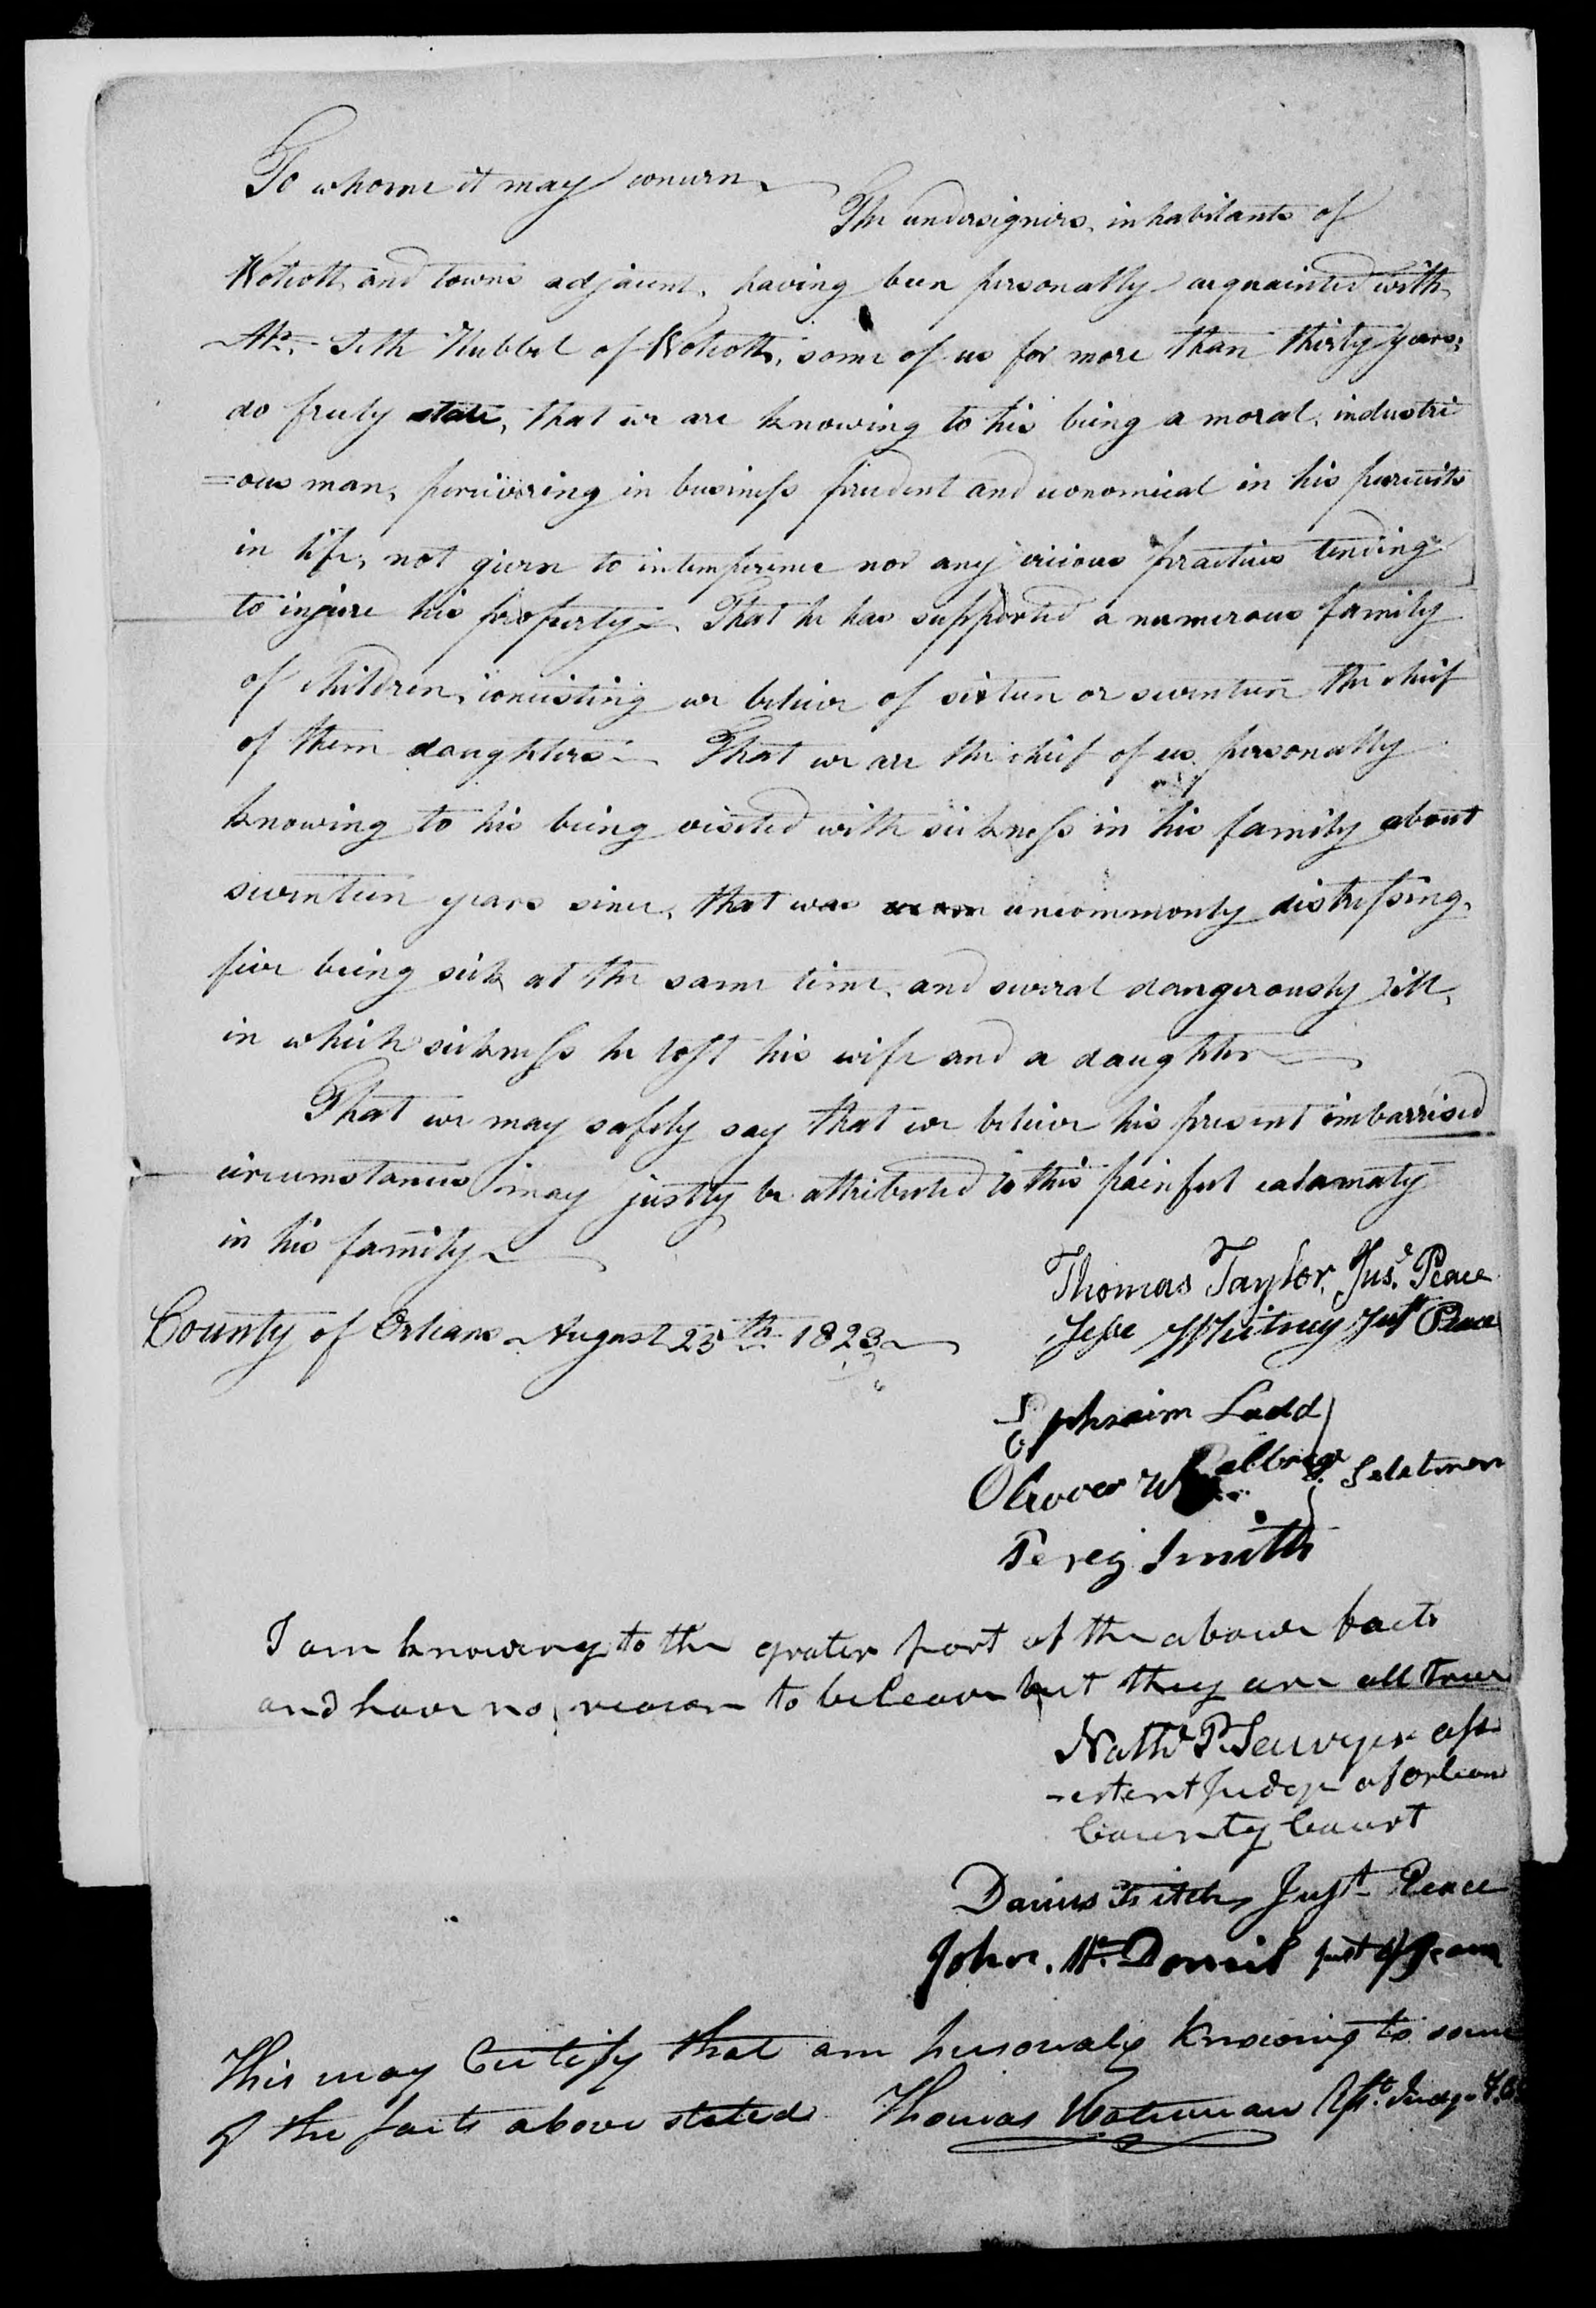To whom it may concern
The undersigners, inhabitants of Wolcott and towns adjacent, having been personally acquainted with Mr. Seth Hubbell of Wolcott, some of us for more than thirty years; do freely state, that we are knowing to his being a moral, industrious man, persevering in business [illegible]and economical in his pursuits in life, not given to intemperance nor any vicious practices tending to injure his property. That he has supported a numerous family of children, consisting [illegible] [illegible] of sixteen or seventeen. The chief of them daughters. That we are the chief of us personally knowing to his being visited with sickness in his family about seventeen years since, that was [scribbled out] uncommonly distressing, five being sick at the same time, and several dangerously ill, in which  sickness he lost his wife and a daughter.
That we may safely say that we believe his present imbarrised [sic] circumstances may justly be attributed to this painful calamaty [sic] in his family.
County of Orleans  August 23d AD 1823
Thomas Taylor, Jus. Peace
Jesse Whiting Just Peace
Ephraim Ladd
Olivver Walbrige [illegible]
Terey Smith

I am knowing to the [illegible] part of the above facts and have no reason to beleave [sic] but they are all true

Nathl P Sawyer [illegible] Judge of Orleans County Court 
Darius Fitch Just Peace
John H. Doniel Just of Peace
This may certify that an personaly [sic] knowing to some of the parts above stated.
Thomas Waterman [illegible]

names: Thomas Taylor, Terey Smith, John H Doniel, Olivver W Albrige, Thomas Waterman, Nathl P Sawyer, Jesse Whiting, Darius Fitch, Seth Hubbel, Ephraim Ladd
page: 91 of 114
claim: widow's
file: W. 2115, Seth Hubbell, Conn.